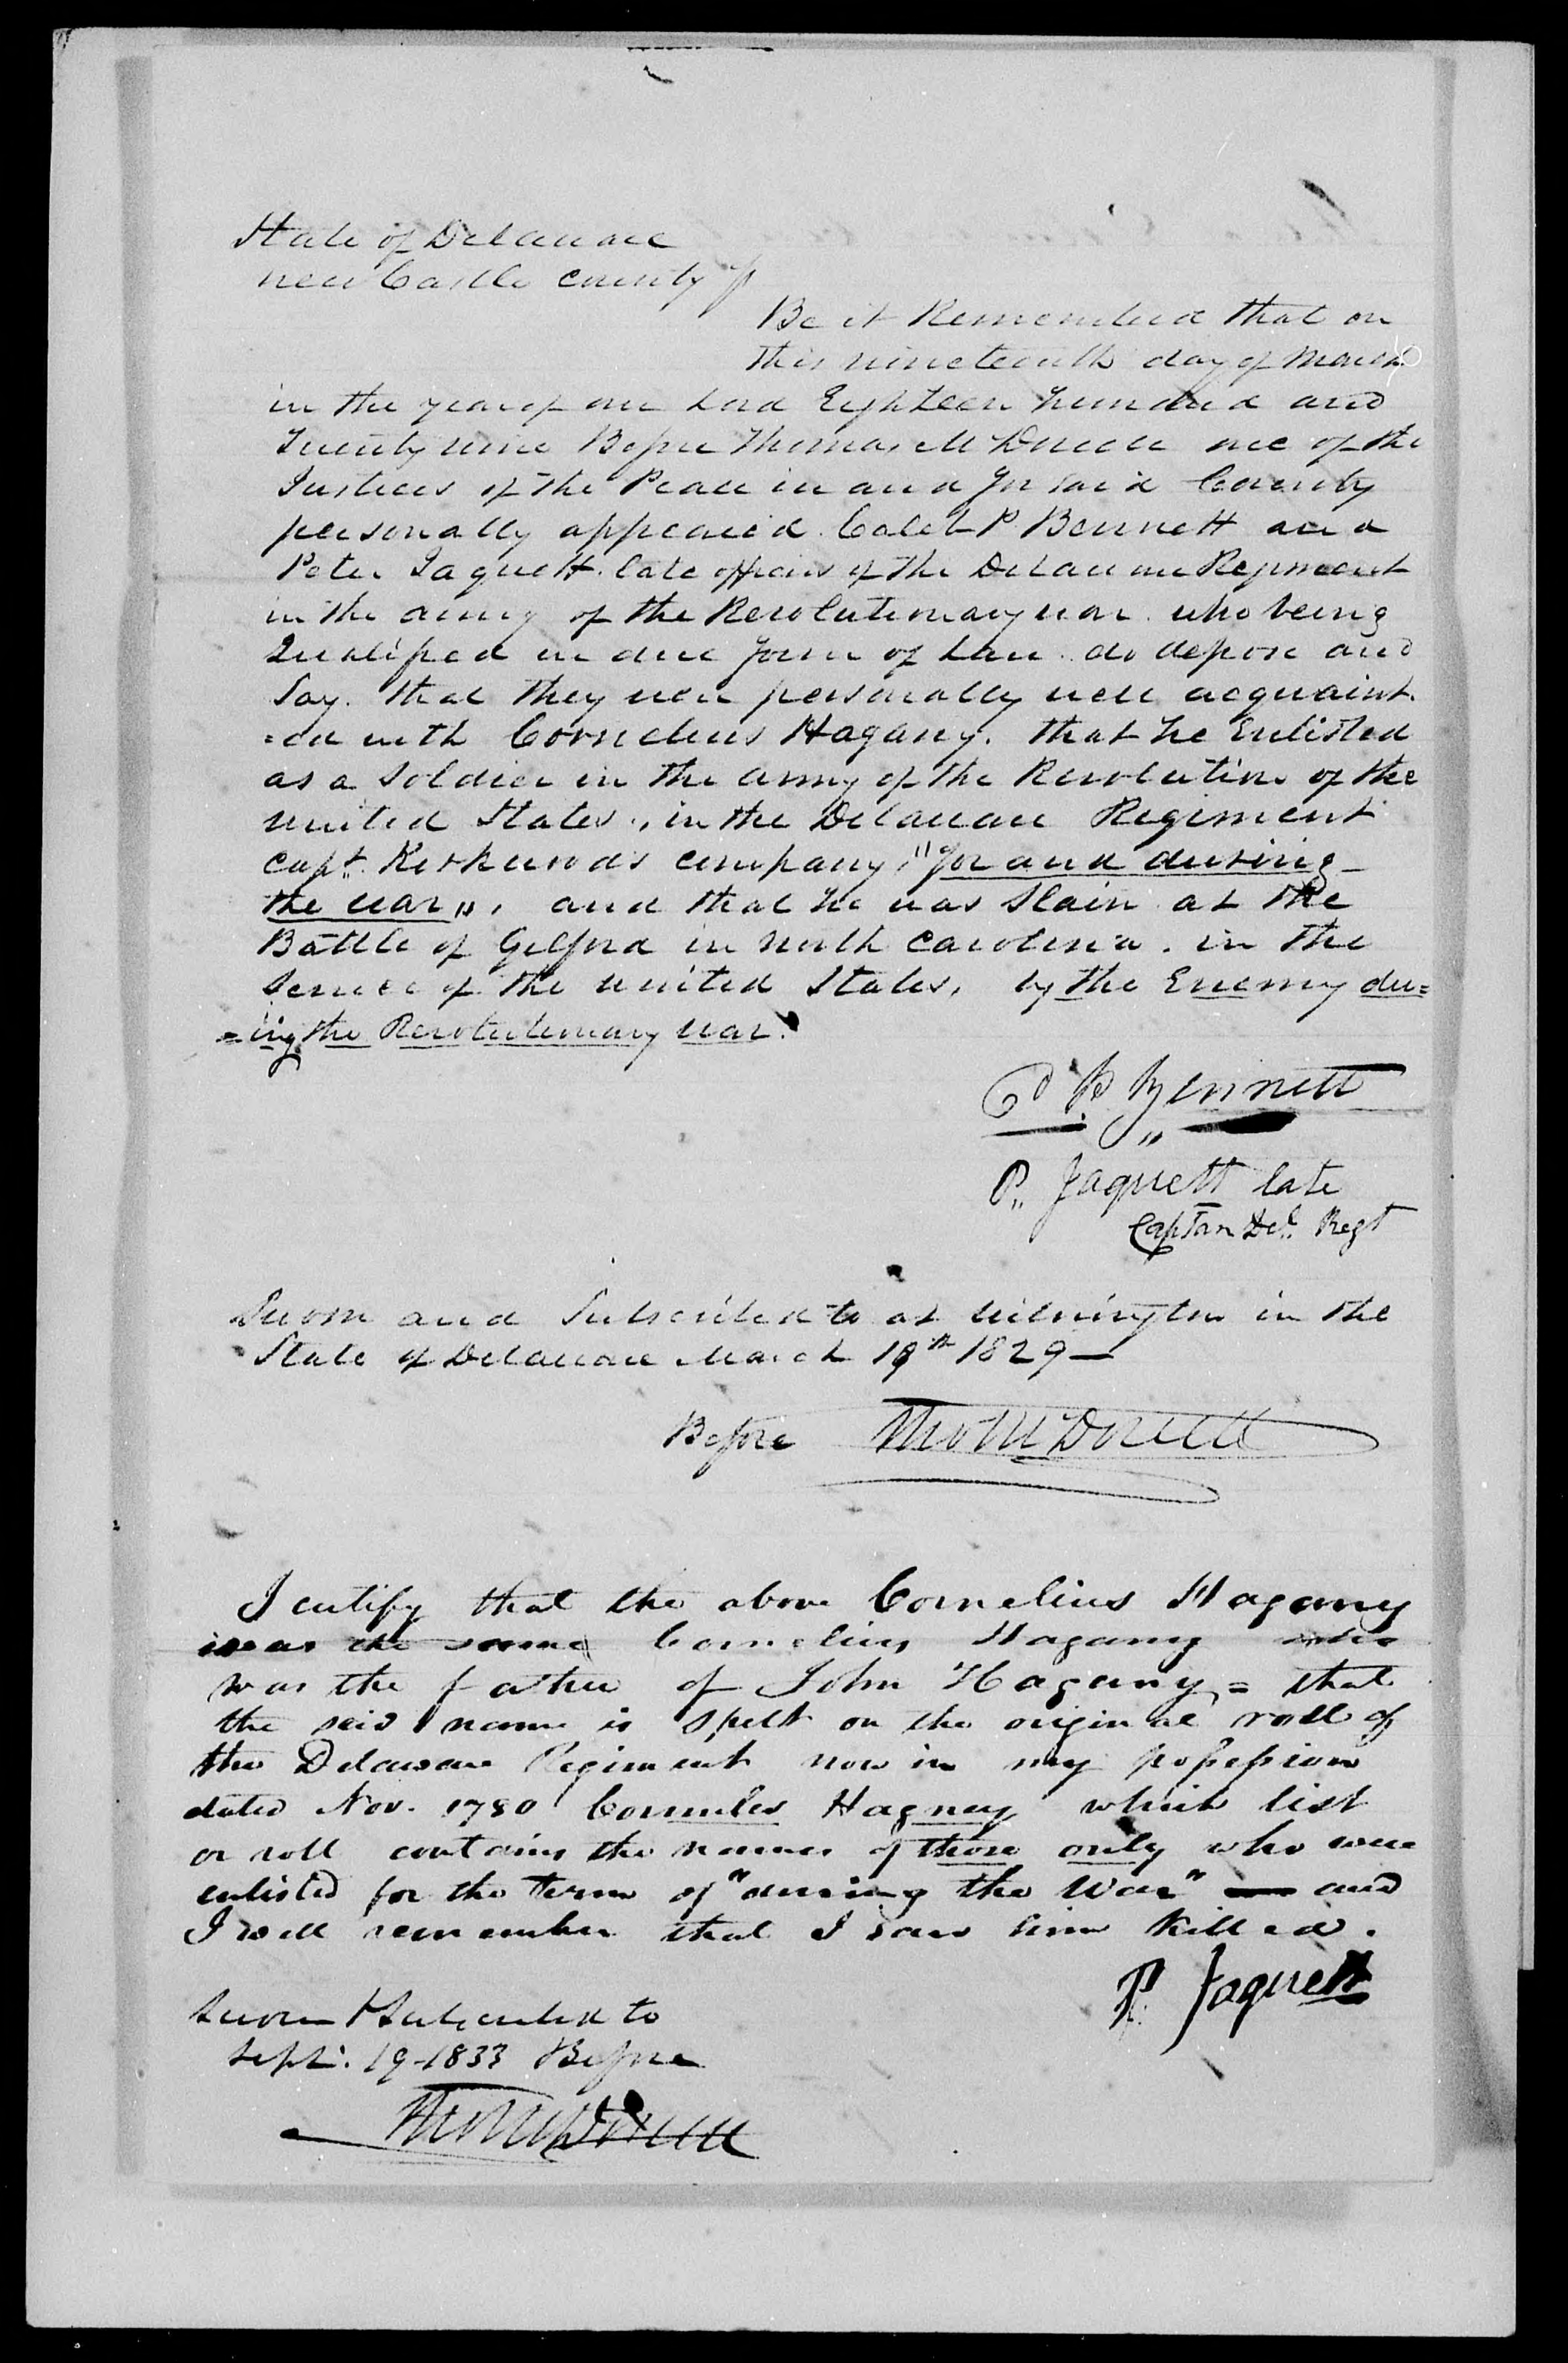State of Delaware
New Castle County

Be it Remembered that on this nineteenth day of March in the year of our Lord Eighteen Hundred and Twenty nine Before Thomas McDonell [illegible] of the Justice of the Peace in and for said County personally appeared Caleb P. Bennett and a Peter Jaquett late officers of the Delaware Regiment in the army of the Revolutionary War, who being subscribed in due form of law do depose and say. that they were personally well acquainted with Cornelius Hagany. that he enlisted as a soldier in the army of the Revolution of the United States, in the Delaware Regiment Capt. Kirkwood’s company “for and during the war” and that he was slain at the Battle of Gelford [Guilford] in North Caroline. in the service of the United States, by the Enemy during the Revolutionary War.
C. P. Bennett
P. Jaquett late
Captain Del. Regt.

Sworn and Subscribed at Wilmington in the State of Delaward March 19th 1829
Before Thom McDonell

I certify that the above Cornelius Hagany is as the same Cornelius Hagany was the father of John Hagany = that the said name is spelt on the original roll of the Delaware Regiment now in my possession date Nov. 1780 Cornelius Hagney which list or roll contains the names of those only who were enlisted for the term of “during the War” and I will remember that I saw him killed.
P. Jaquett
Sworn & Subscribed to 
Sept 18 – 1833 Before
Thom McDonell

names: P Jaquett, C P Bennett, Peter Jaquett, Cornelius Hagany, Tho Mc Donell, John Hagany, P Jaquett, Thomas Mc Donell, Caleb P Bennett, Cornelius Hagany, Cornelius Hagany, Tho Mc Donell, Cornules Hagney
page: 4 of 6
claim: bounty land warrant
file: B. L. Wt. 1971-100, Cornelius Hagany, Del.